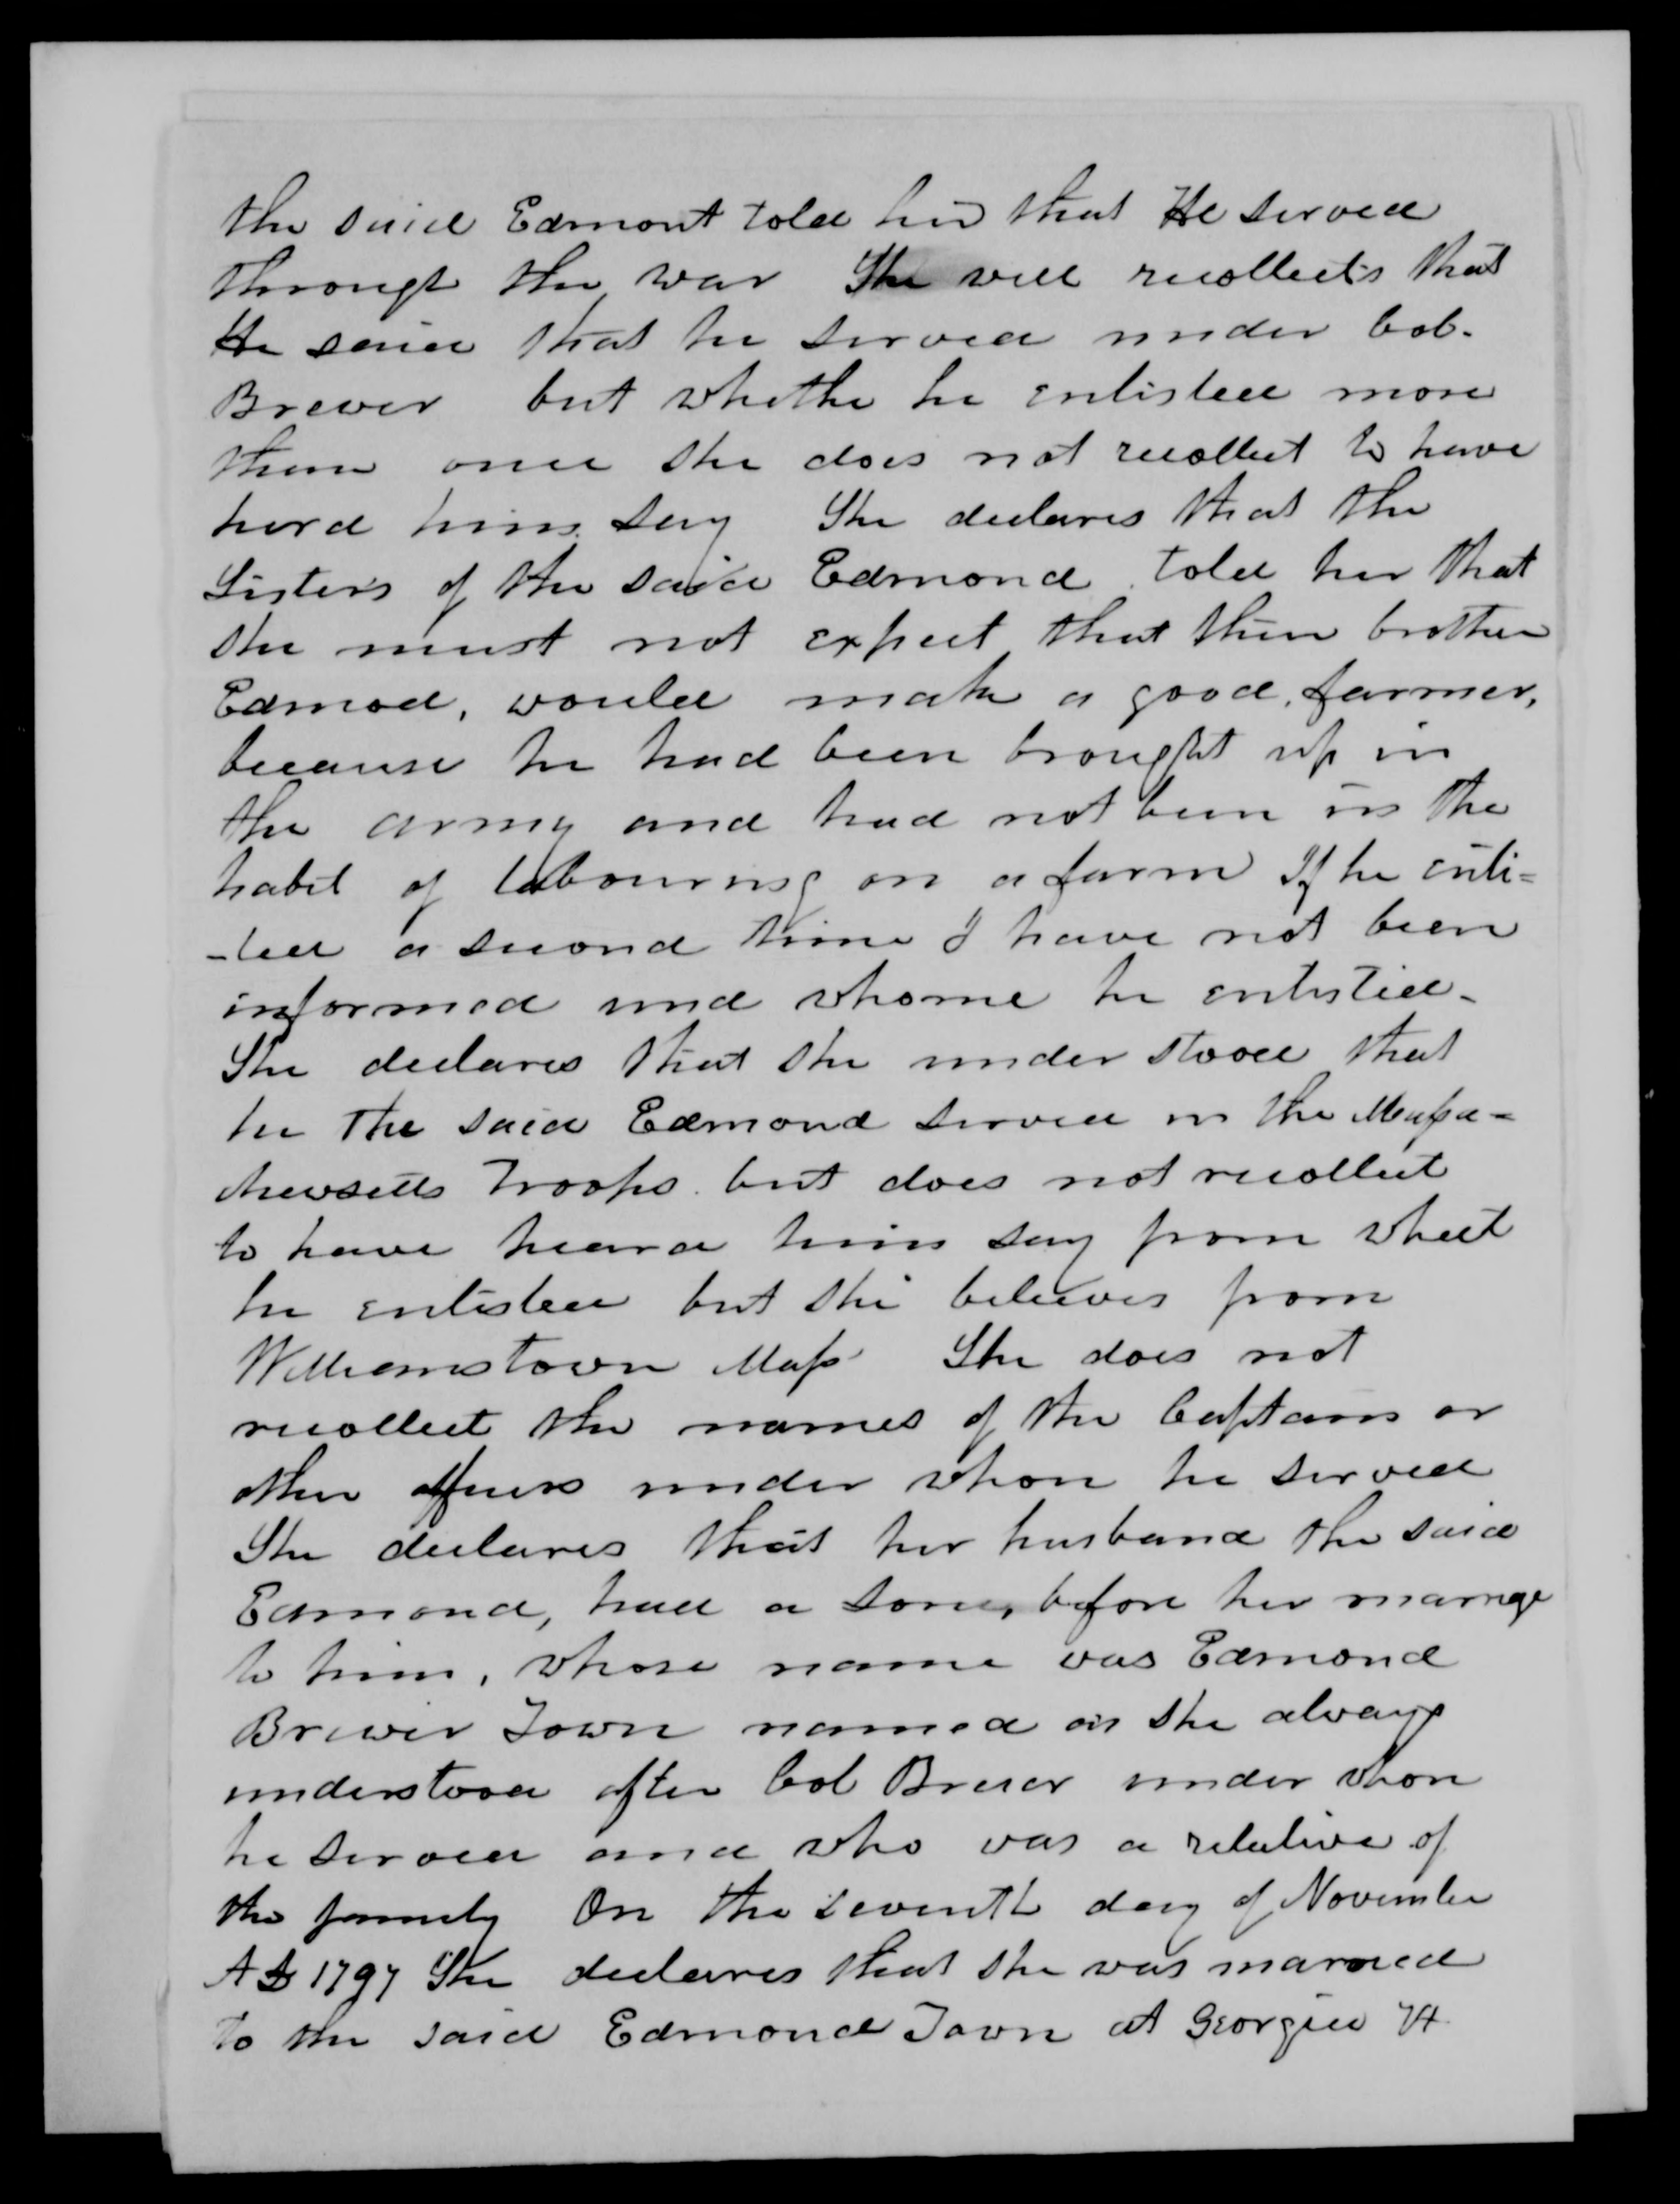the said Edmond told her that he served through the war. She well recollects that he said that he served under Col. Brewer but whether he enlisted more than once she does not recollect to have heard him say. She declares that the sisters of the said Edmond told her that she must not expect that their brother Edmond would not make a good farmer because he had been brought up in the army and had not been in the habit of labouring on a farm. If he enlisted a second time I have not been informed and (illegible) he enlisted. she declares that she under stood that he the said Edmond served in the Massachusetts troops but does not recollect to have heard him say from which he enlisted but she believed from Williamstown Mass.  She does not recollect the names of the Captains or other officers under whom he served. she declares that her husband the said Edmond had a son before her marriage to him whose name was Edmond Brewer Town named as she always understood after Col. Brewer under whom he served and who was a relative of the family. On the seventh day of November A. D. 1797 she declares that we was married to the said Edmond Town at Georgia Vt.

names: Edmond Brewer Town, Edmond, Brewer, Edmond, Edmont, Edmod, Edmond Town, Edmond, Brewer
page: 14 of 64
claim: widow's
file: W. 5831, Edmund Town, Mass.